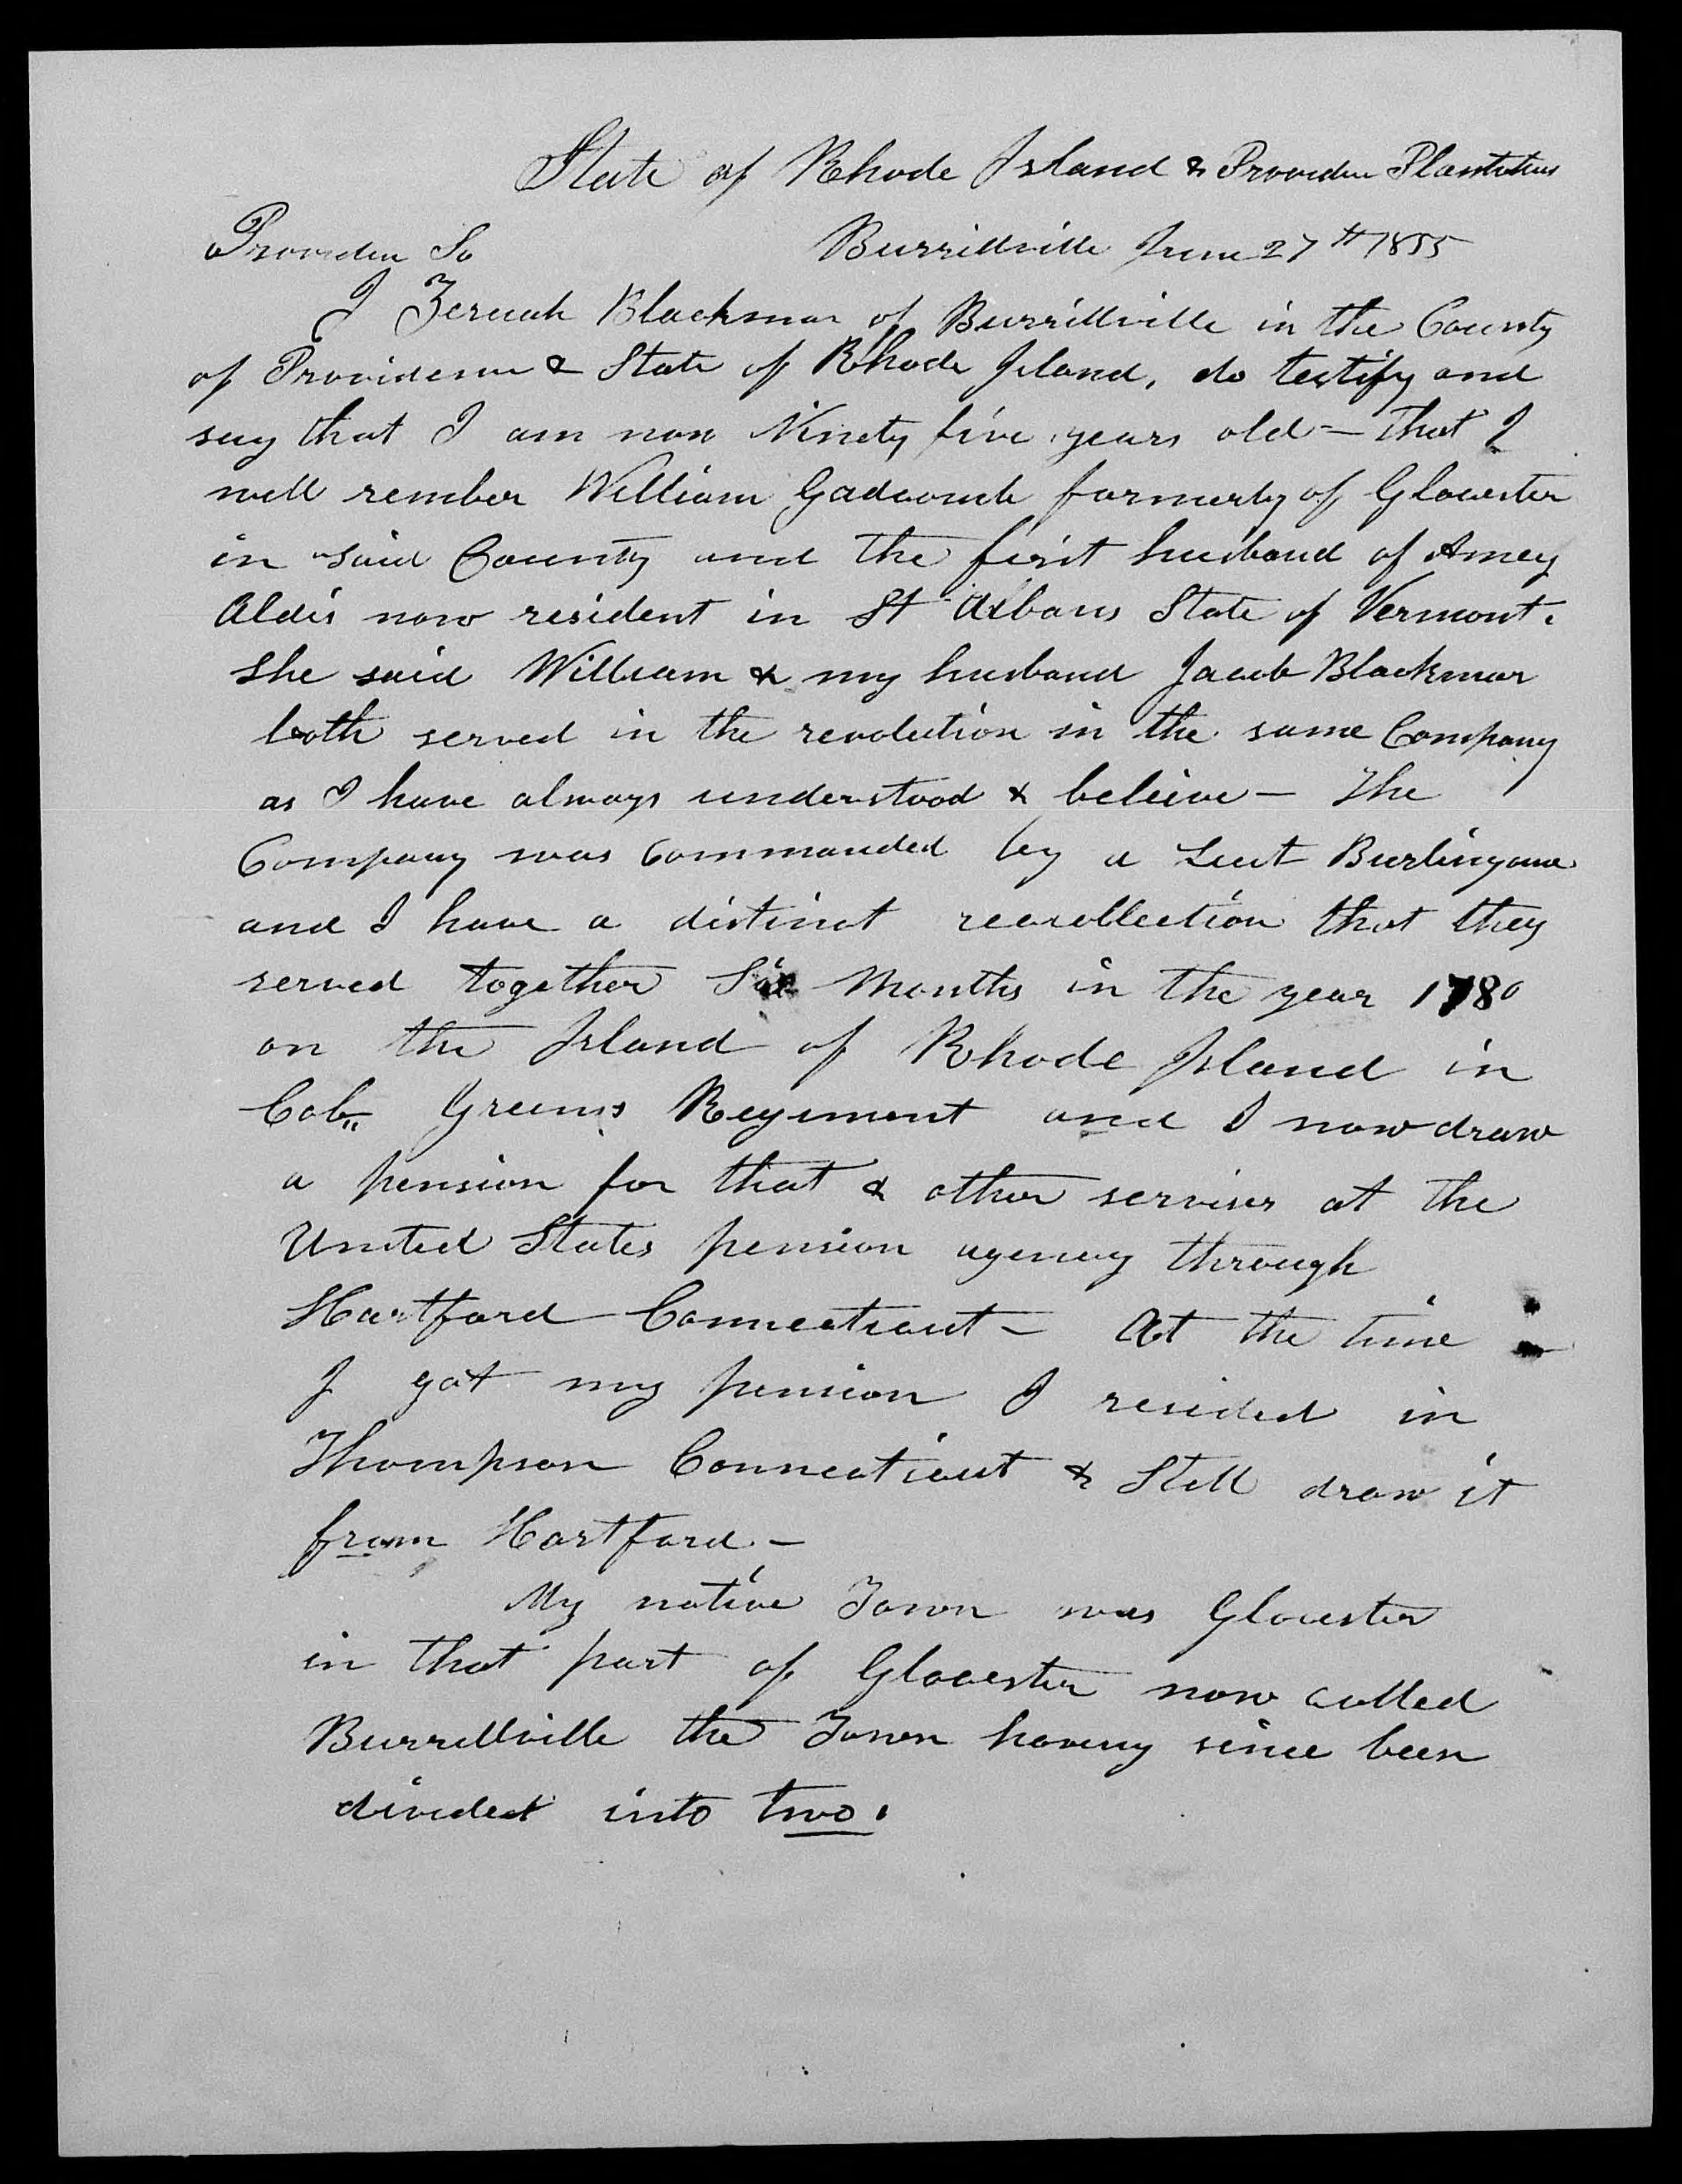State of Rhode Island & Providence Plantations Burrillville June 27th 1855
Providence Sc.
I Zerucah Blackmar of Burrillville in the County of Providence & State of Rhode Island, do testify and say that I am now Ninety five years old. That I well rember William Gadcomb formerly of Glocester in said County and the first husband of Amey Aldis now resident in St. Albans State of Vermont. The said William & my husband Jacob Blackmar both served in the revolution in the same Company as I have always understood & believe. The Company was commanded by a Lieut Burlingame and I have a distinct rercollection that they served together six months in the year 1780 on the Island of Rhode Island in Col. Greene's Regiment and I now draw a pension for that & other services at the United States Pension agency through Hartford Connecticut. At the time I got my pension I resided in Thompson Connecticu & still draw it from Hartford. My native Town was Gocester in that part of Glocester now called Burrillville the Town having since been divided into two.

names: Thompson, William Gadcomb, Zeruah Blackmar, Jacob Blackmar, William, Amey Aldis, Burlingame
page: 36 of 76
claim: widow's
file: W. 15,517, William Gadcomb, R.I.